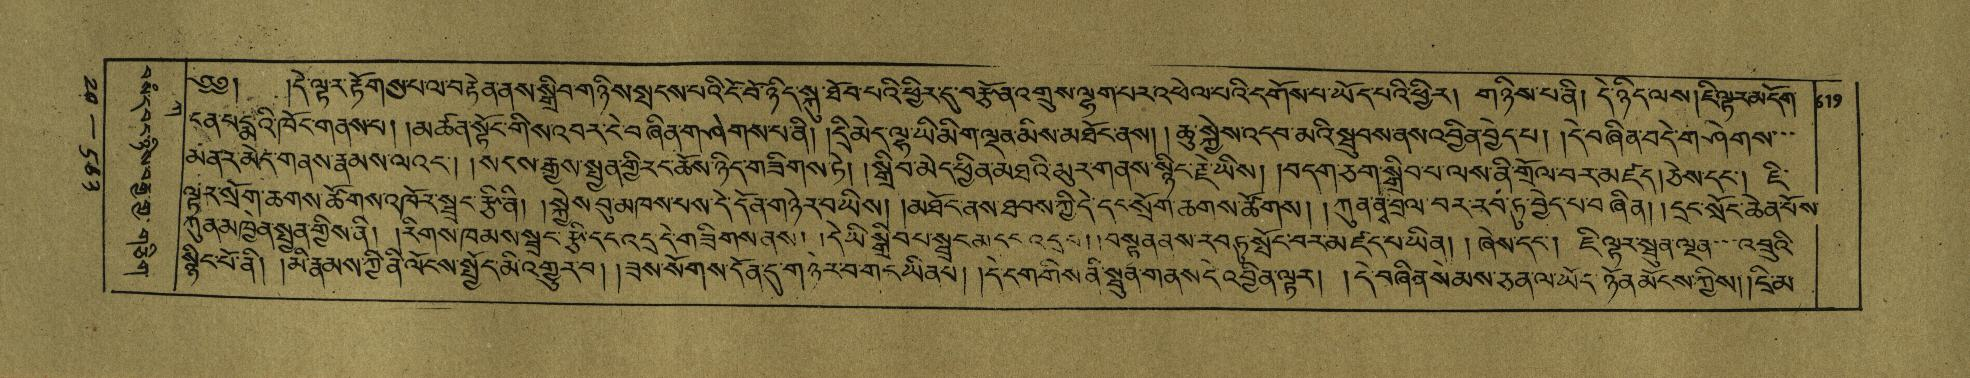༄༅། །དེ་ལྟར་རྟོགས་པ་ལ་བརྟེན་ནས་སྒྲིབ་གཉིས་སྤངས་པའི་ངོ་བོ་ཉིད་སྐུ་ཐོབ་པའི་ཕྱིར་དུ་བརྩོན་འགྲུས་ལྷག་པར་འཕེལ་པའི་དགོས་པ་ཡོད་པའི་ཕྱིར། གཉིས་པ་ནི། དེ་ཉིད་ལས། ཇི་ལྟར་མདོག་
ངན་པདམའི་ཁོང་གནས་པ། །མཚན་སྟོང་གིས་འབར་དེ་བཞིན་གཤེགས་པ་ནི། །དྲི་མེད་ལྷ་ཡི་མིག་ལྡན་མིས་མཐོང་ནས། །ཆུ་སྐྱེས་འདབ་མའི་སྦུབས་ནས་འབྱིན་བྱེད་པ། །དེ་བཞིན་བདེ་གཤེགས་
མནར་མེད་གནས་རྣམས་ལའང་། །སངས་རྒྱས་སྤྱན་གྱི་རང་ཆོས་ཉིད་གཟིགས་ཏེ། །སྒྲིབ་མེད་ཕྱིན་མཐའི་མུར་གནས་སྙིང་རྗེ་ཡིས། །བདག་ཅག་སྒྲིབ་པ་ལས་ནི་གྲོལ་བར་མཛད། ཅེས་དང་། ཇི་
ལྟར་སྲོག་ཆགས་ཚོགས་འཁོར་སྦྲང་རྩི་ནི། །སྐྱེས་བུ་མཁས་པས་དེ་དོན་གཉེར་བ་ཡིས། །མཐོང་ནས་ཐབས་ཀྱི་དེ་དང་སྲོག་ཆགས་ཚོགས། །ཀུན་ནས་བྲལ་བར་རབ་ཏུ་བྱེད་པ་བཞིན། །དྲང་སྲོང་ཆེན་པོས་
ཀུན་མཁྱེན་སྤྱན་གྱིས་ནི། །རིགས་ཁམས་སྦྲང་རྩི་དང་འདྲ་དེ་གཟིགས་ནས། །དེ་ཡི་སྒྲིབ་པ་སྦྲང་མ་དང་འདྲ་བ། །བསྟན་ནས་རབ་ཏུ་སྤོང་བར་མཛད་པ་ཡིན། །ཞེས་དང་། ཇི་ལྟར་སྦུན་ལྡན་འབྲུའི་
སྙིང་པོ་ནི། །མི་རྣམས་ཀྱི་ནི་ལོངས་སྤྱོད་མི་འགྱུར་བ། །ཟས་སོགས་དོན་དུ་གཉེར་བ་གང་ཡིན་པ། །དེ་དག་གིས་ནི་སྦུན་གནས་དེ་འབྱིན་ལྟར། །དེ་བཞིན་སེམས་ཅན་ལ་ཡོད་ཉོན་མོངས་ཀྱིས། །དྲི་མ་